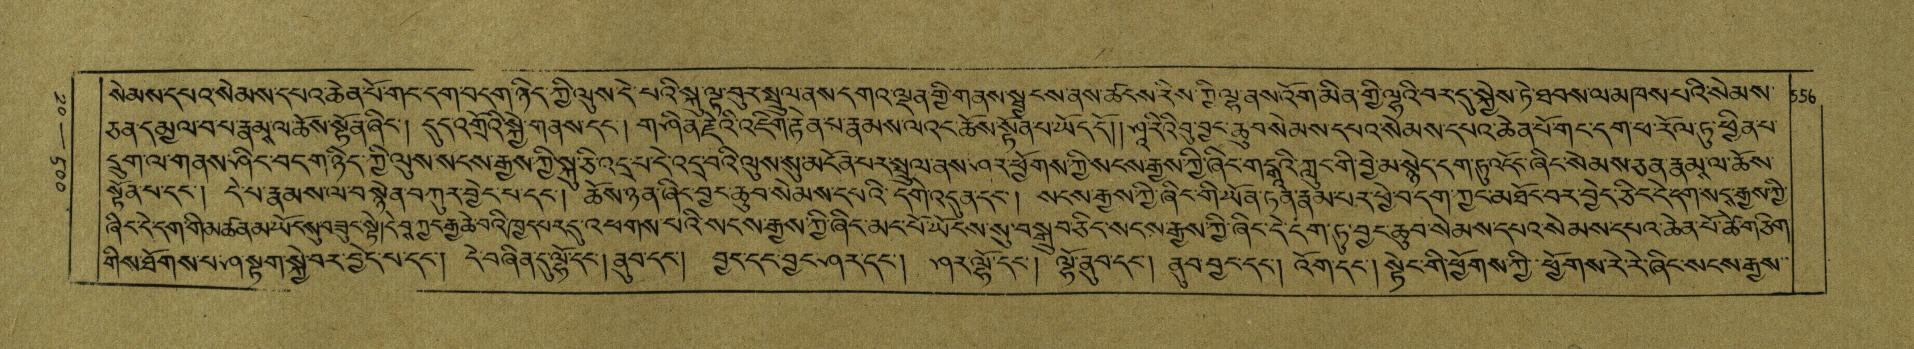སེམས་དཔའ་སེམས་དཔའ་ཆེན་པོ་གང་དག་བདག་ཉིད་ཀྱི་ལུས་དེ་པའི་སྐུ་ལྟ་བུར་སྤྲུལ་ནས་དགའ་ལྡན་གྱི་གནས་སྦྱངས་ནས་ཚངས་རིས་ཀྱི་ལྷ་ནས་འོག་མིན་གྱི་ལྷའི་བར་དུ་སྐྱེས་ཏེ་ཐབས་ལ་མཁས་པའི་སེམས་
ཅན་དམྱལ་བ་པ་རྣམས་ལ་ཆོས་སྟོན་ཞིང་། དུད་འགྲོའི་སྐྱེ་གནས་དང་། གཤིན་རྗེའི་འཇིག་རྟེན་པ་རྣམས་ལའང་ཆོས་སྟོན་པ་ཡོད་དོ། །ཤཱ་རིའི་བུ་བྱང་ཆུབ་སེམས་དཔའ་སེམས་དཔའ་ཆེན་པོ་གང་དག་ཕ་རོལ་ཏུ་ཕྱིན་པ་
དྲུག་ལ་གནས་ཤིང་བདག་ཉིད་ཀྱི་ལུས་སངས་རྒྱས་ཀྱི་སྐུ་ཅི་འདྲ་པ་དེ་འདྲ་བའི་ལུས་སུ་མངོན་པར་སྤྲུལ་ནས་ཤར་ཕྱོགས་ཀྱི་སངས་རྒྱས་ཀྱི་ཞིང་གངྒཱའི་ཀླུང་གི་བྱེ་མ་སྙེད་དག་ཏུ་འདོད་ཞིང་སེམས་ཅན་རྣམས་ལ་ཆོས་
སྟོན་པ་དང་། དེ་པ་རྣམས་ལ་བསྙེན་བཀུར་བྱེད་པ་དང་། ཆོས་ཉན་ཞིང་བྱང་ཆུབ་སེམས་དཔའི་དགེ་འདུན་དང་། སངས་རྒྱས་ཀྱི་ཞིང་གི་ཡོན་ཏན་རྣམ་པར་ཕྱེ་བ་དག་ཀྱང་མཐོང་བར་བྱེད་ཅིང་དེ་དག་སངས་རྒྱས་ཀྱི་
ཞིང་དེ་དག་གི་མཚན་མ་ཡོངྶུ་བཟུང་སྟེ། དེ་བས་ཀྱང་རྒྱ་ཆེ་བའི་ཁྱད་པར་དུ་འཕགས་པའི་སངས་རྒྱས་ཀྱི་ཞིང་མང་པོ་ཡོངས་སུ་བསྒྲུབ་ཅིང་སངས་རྒྱས་ཀྱི་ཞིང་དེ་དག་ཏུ་བྱང་ཆུབ་སེམས་དཔའ་སེམས་དཔའ་ཆེན་པོ་ཚེ་གཅིག་
གིས་ཐོགས་པ་ཤ་སྟག་སྐྱེ་བར་བྱེད་པ་དང་། དེ་བཞིན་དུ་ལྷོ་དང་། ནུབ་དང་། བྱང་དང་བྱང་ཤར་དང་། ཤར་ལྷོ་དང་། ལྷོ་ནུབ་དང་། ནུབ་བྱང་དང་། འོག་དང་། སྟེང་གི་ཕྱོགས་ཀྱི་ཕྱོགས་རེ་རེ་ཞིང་སངས་རྒྱས་